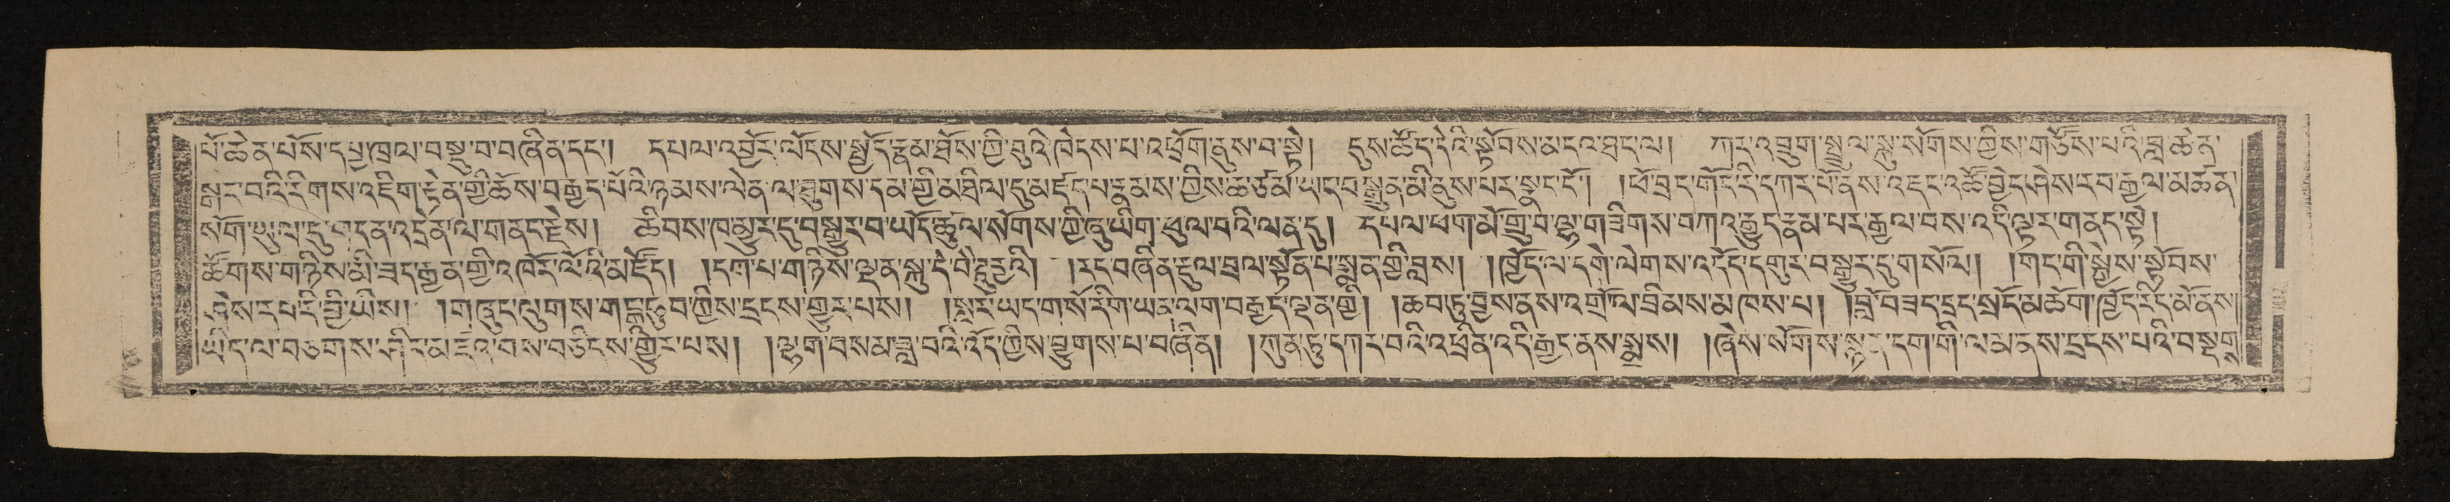པོ་ཆེན་པོས་དཔྱ་ཁྲལ་བསྡུ་པ་བཞིན་དང་། དཔལ་འབྱོར་ལོངས་སྤྱོད་རྣམ་ཐོས་ཀྱི་བུའི་ཁེངས་པ་འཕྲོག་ནུས་པ་སྟེ། དུས་ཚོད་དེའི་སྟོབས་མངའ་ཐང་ལ། ཀར་འབྲུག་སྤྲུལ་སྐུ་སོགས་ཀྱིས་གཙོས་པའི་བླ་ཆེན་
སྒར་བའི་རིགས་འཇིག་རྟེན་གྱི་ཆོས་བརྒྱད་པོའི་ཉམས་ལེན་ལ་ཐུགས་དམ་གྱི་མཐིལ་དུ་མཛད་པ་རྣམས་ཀྱིས་ཆ་ཙམ་ཡང་བསྒྲུན་མི་ནུས་པར་སྣང་ངོ། །ཕོ་བྲང་གོང་རི་དཀར་པོ་ནས་འཇང་འཚོ་བྱེད་ཤེས་རབ་རྒྱལ་མཚན་
སོག་ཡུལ་དུ་གདན་འདྲེན་ལ་གནང་རྗེས། ཆིབས་ཁ་མྱུར་དུ་བསྒྱུར་བ་ཡོད་ཚུལ་སོགས་ཀྱི་ཞུ་ཡིག་ཕུལ་བའི་ལན་དུ། དཔལ་ཕག་མོ་གྲུབ་ལྷ་གཟིགས་བཀའ་རྒྱུད་རྣམ་པར་རྒྱལ་བས་འདི་ལྟར་གནང་སྟེ།
ཚོགས་གཉིས་མི་ཟད་རྒྱན་གྱི་འཁོར་ལོའི་མཛོད། །དག་པ་གཉིས་ལྡན་སྐུ་དེ་བཻཌཱུརྱའི། །རང་བཞིན་རྡུལ་བྲལ་སྟོན་པ་སྨན་གྱི་བླས། །ཁྱོད་ལ་དགེ་ལེགས་འདོད་དགུར་བསྒྱུར་དུ་གསོལ། །གང་གི་སྐྱེས་སྟོབས་
ཤེས་རབ་རི་བྱི་ཡིས། །གཞུང་ལུགས་གངྒཱ་ཧུབ་ཀྱིས་དྲངས་གྱུར་པས། །སླར་ཡང་གསོ་རིག་ཡན་ལག་བརྒྱད་ལྡན་གྱི། །ཆབ་ཏུ་བྱས་ནས་འགྲོ་ལ་བྲིམས་མཁས་པ། །བློ་བཟང་དྲང་སྲོང་མཆོག་ཁྱོད་རིང་མོ་ནས་
ཡིད་ལ་བཅགས་ཤིང་མཛའ་བས་བཅིངས་གྱུར་པས། །ལྷག་བསམ་ཟླ་བའི་འོད་ཀྱིས་བྱུགས་པ་བཞིན། །ཀུན་ཏུ་དཀར་བའི་འཕྲིན་འདི་རྒྱང་ནས་སྨྲས། །ཞེས་སོགས་སྙན་ངག་གི་ལམ་ནས་དྲངས་པའི་བསྔགས་